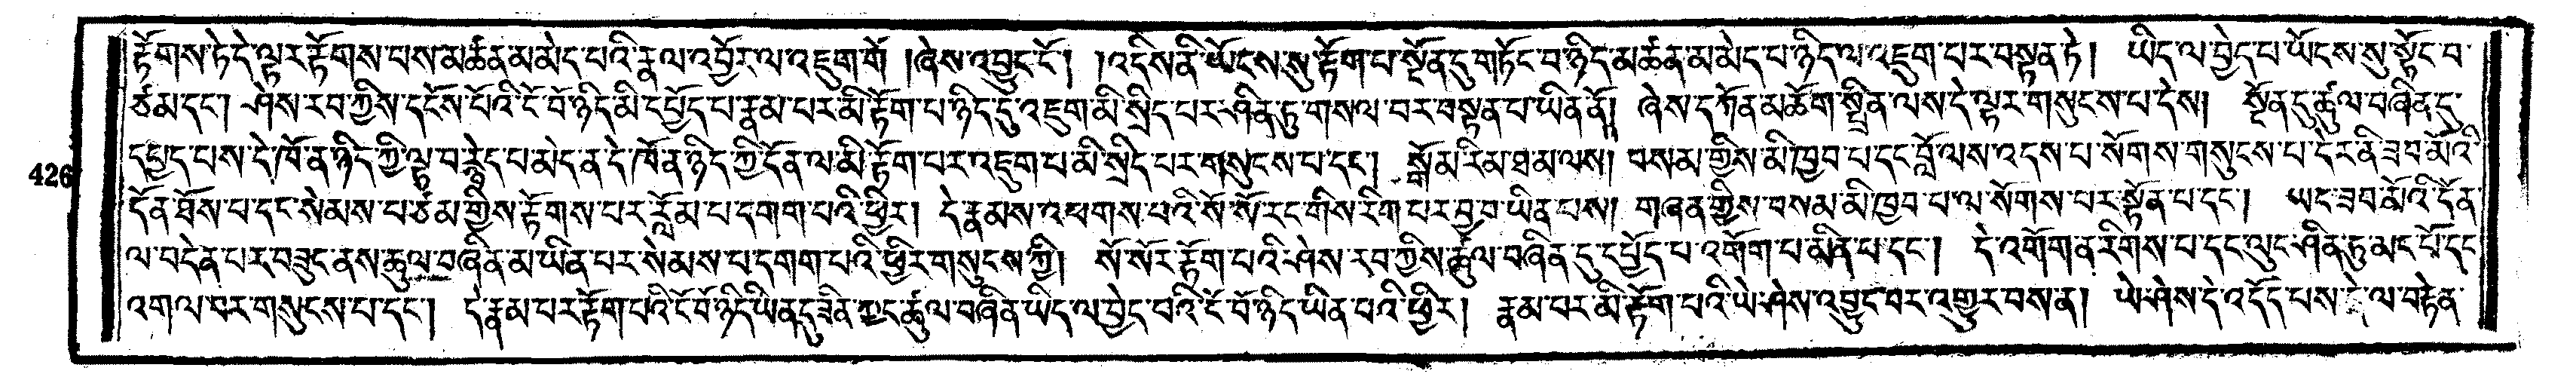རྟོགས་ཏེ་དེ་ལྟར་རྟོགས་པས་མཚན་མ་མེད་པའི་རྣལ་འབྱོར་ལ་འཇུག་གོ །ཞེས་འབྱུང་ངོ། །འདིས་ནི་ཡོངས་སུ་རྟོགས་པ་སྔོན་དུ་གཏོང་བ་ཉིད་མཚན་མ་མེད་པ་ཉིད་ལ་འཇུག་པར་བསྟན་ཏེ། ཡིད་ལ་བྱེད་པ་ཡོངས་སུ་སྟོང་བ་
ཙམ་དང་། ཤེས་རབ་ཀྱིས་དངོས་པོའི་ངོ་བོ་ཉིད་མི་དཔྱོད་པ་རྣམ་པར་མི་རྟོག་པ་ཉིད་དུ་འཇུག་མི་སྲིད་པར་ཤིན་ཏུ་གསལ་བར་བསྟན་པ་ཡིན་ནོ། ཞེས་དཀོན་མཆོག་སྤྲིན་ལས་དེ་ལྟར་གསུངས་པ་དེས། སྔོན་དུ་ཚུལ་བཞིན་དུ་
དཔྱད་པས་དེ་ཁོ་ན་ཉིད་ཀྱི་ལྟ་བ་བརྙེད་པ་མེད་ན་དེ་ཁོ་ན་ཉིད་ཀྱི་དོན་ལ་མི་རྟོག་པར་འཇུག་པ་མི་སྲིད་པར་གསུངས་པ་དང་། སྒོམ་རིམ་ཐ་མ་ལས། བསམ་གྱིས་མི་ཁྱབ་པ་དང་བློ་ལས་འདས་པ་སོགས་གསུངས་པ་དེར་ནི་ཟབ་མོའི་
དོན་ཐོས་པ་དང་སེམས་པ་ཙམ་གྱིས་རྟོགས་པར་རློམ་པ་དགག་པའི་ཕྱིར། དེ་རྣམས་འཕགས་པའི་སོ་སོ་རང་གིས་རིག་པར་བྱ་བ་ཡིན་པས། གཞན་གྱིས་བསམ་མི་ཁྱབ་པ་ལ་སོགས་པར་སྟོན་པ་དང་། ཡང་ཟབ་མོའི་དོན་
ལ་བདེན་པར་བཟུང་ནས་ཆུལ་བཞིན་མ་ཡིན་པར་སེམས་པ་དགག་པའི་ཕྱིར་གསུངས་ཀྱི། སོ་སོར་རྟོག་པའི་ཤེས་རབ་ཀྱིས་ཚུལ་བཞིན་དུ་དཔྱོད་པ་འགོག་པ་མིན་པ་དང་། དེ་འགོག་ན་རིགས་པ་དང་ལུང་ཤིན་ཏུ་མང་པོ་དང་
འགལ་བར་གསུངས་པ་དང་། དེ་རྣམ་པར་རྟོག་པའི་ངོ་བོ་ཉིད་ཡིན་དུ་ཟིན་ཀྱང་ཚུལ་བཞིན་ཡིད་ལ་བྱེད་པའི་ངོ་བོ་ཉིད་ཡིན་བའི་ཕྱིར། རྣམ་པར་མི་རྟོག་པའི་ཡེ་ཤེས་འབྱུང་བར་འགྱུར་བས་ན། ཡེ་ཤེས་དེ་འདོད་པས་དེ་ལ་བརྟེན་